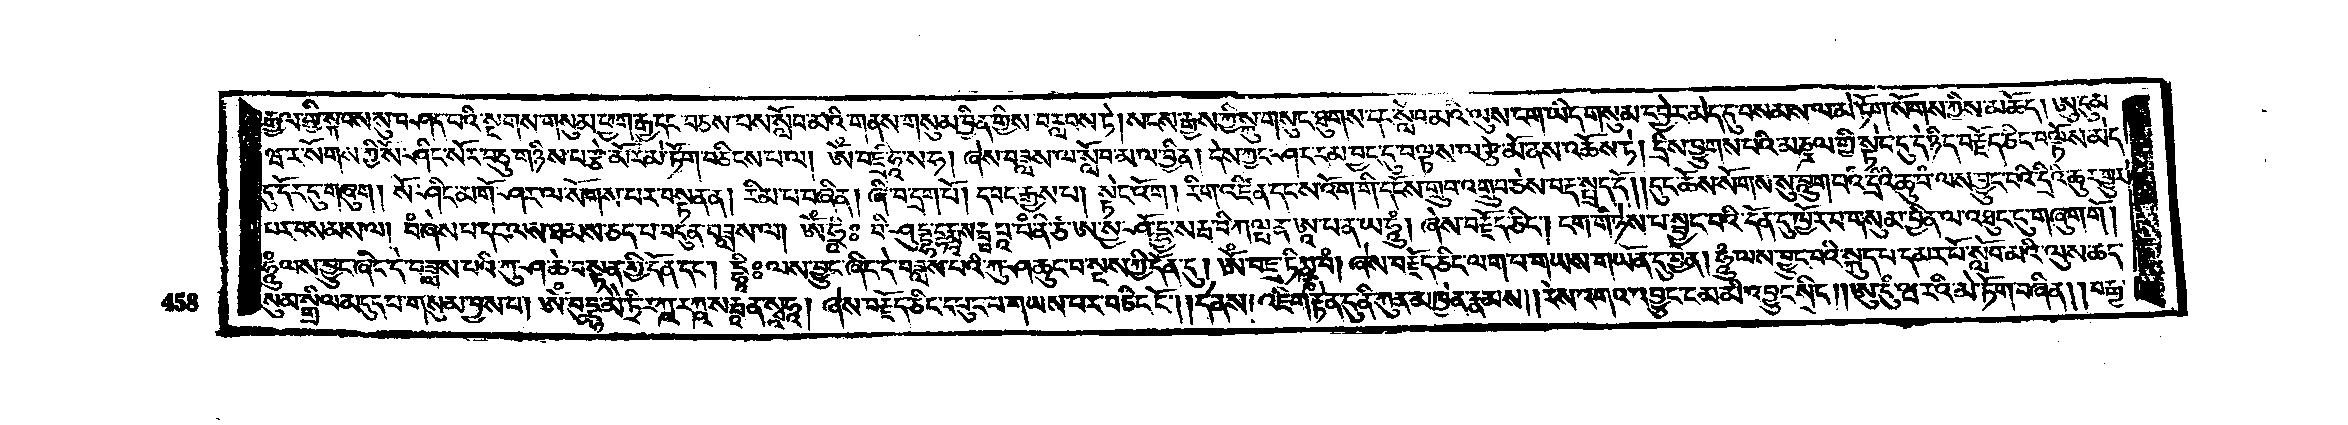རྒྱལ་གྱི་སྐབས་སུ་བཤད་པའི་སྔགས་གསུམ་ཕྱག་རྒྱ་དང་བཅས་པས་སློབ་མའི་གནས་གསུམ་བྱིན་གྱིས་བརླབས་ཏེ། སངས་རྒྱས་ཀྱི་སྐུ་གསུང་ཐུགས་དང་སློབ་མའི་ལུས་ངག་ཡིད་གསུམ་དབྱེར་མེད་དུ་བསམས་ལ་མེ་ཏོག་སོགས་ཀྱིས་མཆོད། །ཨུ་དུམ་
ཝ་ར་སོགས་ཀྱི་སོ་ཤིང་སོར་བཅུ་གཉིས་པ་རྩེ་མོར་མེ་ཏོག་བཅིངས་པ་ལ། ཨོཾ་བཛྲ་ཧཱ་ས་ཧ། ཞེས་བཟླས་ལ་སློབ་མ་ལ་བྱིན། དེས་ཀྱང་ཤར་རམ་བྱང་དུ་བལྟས་ལ་རྩེ་མོ་ནས་འཆོས་ཏ། དྲིས་ཕྱུགས་པའི་མཎྜལ་གྱི་སྟེང་དུ་དེ་ཉིད་བརྗོད་ཅིང་བལྟེས་མེད་
དུ་དོར་དུ་གཞུག །སོ་ཤིང་མགོ་ཤར་ལ་སོགས་པར་བསྟན་ན། རིམ་པ་བཞིན། ཞི་བ་དྲག་པོ། དབང་རྒྱས་པ། སྟེང་འོག །རིག་འཛིན་དང་ས་འོག་གི་དངོས་གྲུབ་འགྲུབ་ཅེས་བརྡ་སྤྲད་དོ། །དུང་ཆོས་སོགས་སུ་བླུག་པའི་དྲིའི་ཆུ་བཾ་ལས་བྱུང་བའི་དྲིའི་ཆུར་གྱུར་
པར་བསམས་ལ། བཞེས་པ་དང་ལས་ཐམས་ཅད་པ་བདུན་བཟླས་ལ། ཨོཾ་ཧྲཱིཿ བི་ཤུདྡྷ་དྷརྨཱ་སརྦྦ་པཱ་པཾ་ནི་ཙ་ཨ་སྱ་ཤོ་དྷྱ་སརྦ་བི་ཀལྤན་ཨཱ་པ་ན་ཡ་ཧཱུཾ། ཞེས་བརྗོད་ཅིང་། ངག་གཉིས་པ་སྦྱང་བའི་དོན་དུ་ཁྱོད་བ་གསུམ་འབྱིན་ལ་འཐུང་དུ་གཞུག་གོ །
ཧཱུཾ་ལས་བྱུང་ཞིང་དེ་བཟླས་པའི་ཀུ་ཤ་ཆེ་བསྟན་གྱི་དོན་དང་། དྷཱིཿ ལས་བྱུང་ཞིང་དེ་བཟླས་པའི་ཀུ་ཤ་ཆུང་བ་སྔས་ཀྱི་དོན་དུ། ཨོཾ་བཛྲ་ཏིཀྵཎ་པཾ། ཞེས་བརྗོད་ཅིང་ལག་པ་གཡས་གཡོན་དུ་བྱིན། ཧཱུཾ་ལས་བྱུང་བའི་སྐུད་པ་དམར་པོ་སློབ་མའི་ལུས་ཆད་
སུམ་སྒྲིལ་མདུད་པ་གསུམ་བྱས་པ། ཨོཾ་བུདྡྷ་མཻ་ཏྲི་རཀྵ་རཀྵ་སརྦཱ་ན་སྭཱ་ཧཱ། ཞེས་བརྗོད་ཅིང་དཔུང་པ་གཡས་པར་བཅིང་ངོ། །དེ་ནས། འཇིག་རྟེན་དུ་ནི་ཀུན་མཁྱེན་རྣམས། །རིས་འགའ་འབྱུང་ངམ་མི་འབྱུང་སྲིད། །ཨུ་དུཾ་ཝ་རའི་མེ་ཏོག་བཞིན། །བརྒྱ་